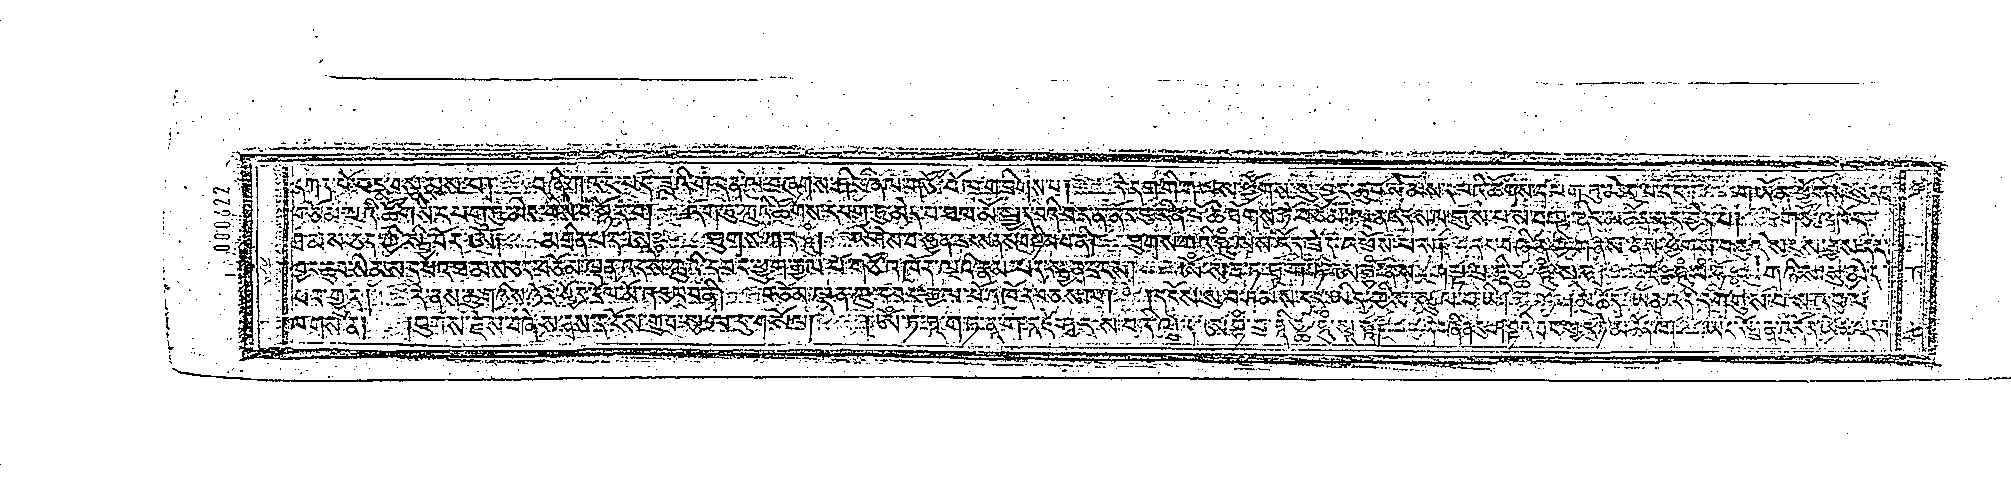དཀར་པོ་པདམ་བསྣམས་པ། བཞི་ཀའང་པད་ཟླའི་གདན་ལ་བཞུགས་ཤིང་ཞལ་གཙོ་བོ་ལ་གཟིགས་པ། དེ་དག་གི་གཡས་ཕྱོགས་སུ་བྱང་ཆུབ་སེམས་དཔའི་ཚོགས་དཔག་ཏུ་མེད་པ་དང་། གཡོན་ཕྱོགས་སུ་དགྲ་
བཅོམ་པའི་ཚོགས་དཔག་ཏུ་མེད་པས་བསྐོར་བ། འོག་ཏུ་ཀླུའི་ཚོགས་དཔག་ཏུ་མེད་པ་ཐལ་མོ་སྦྱར་བའི་བར་ན་ནོར་བུ་རིན་པོ་ཆེ་ཐོགས་ཏེ་བཅོམ་ལྡན་འདས་ལ་གུས་པས་བལྟ་ཞིང་མཆོད་པར་བྱེད་པ། གཙོ་འཁོར་
ཐམས་ཅད་ཀྱི་སྤྱི་བོར་ཨོཾ། མགྲིན་པར་ཨཱཿ་ཐུགས་ཀར་ཧཱུཾ། ཡེ་ཤེས་པ་སྤྱན་དྲངས་ནས་བསྟིམ་པ་ནི། ཐུགས་ཀའི་ཧཱུཾ་ལས་འོད་ཟེར་འཕྲོས་པས། རང་བཞིན་གྱི་གནས་ནས་ཕྱོགས་བཅུའི་སངས་རྒྱས་དང་
བྱང་ཆུབ་སེམས་དཔའི་ཐམས་ཅད་བཅོམ་ལྡན་འདས་ཀླུའི་དབང་ཕྱུག་རྒྱལ་པོ་གཙོ་འཁོར་ལྔའི་རྣམ་པར་སྤྱན་དྲངས། ཨོཾ་སརྦ་ཏ་ཐཱ་ག་ཏ་ཨརྒྷཾ་ནས་ཤཔྟ་པྲ་ཏཱིཙྪ་ཧཱུཾ་སྭཱཧཱ། ཛཿ་ཧཱུཾ་བཾ་ཧོཿ་གཉིས་སུ་མེད་
པར་གྱུར། དེ་ནས་ཆུ་གཉིས་ཉེར་སྤྱོད་རོལ་མོ་འབུལ་བ་ནི། བཅོམ་ལྡན་ཀླུ་དབང་རྒྱལ་པོ་འཁོར་བཅས་ལ། །དངོས་སུ་བཤམས་དང་ཡིད་ཀྱིས་སྤྲུལ་པ་ཡི། །མཆོད་ཡོན་འདི་དག་གུས་པས་འབུལ་
ལགས་ན། །ཐུགས་རྗེས་བཞེས་ནས་དངོས་གྲུབ་སྩལ་དུ་གསོལ། །ཨོཾ་ཏ་ཐཱ་ག་ཏ་ནཱ་ག་རཱ་ཛེ་ཤྭར་ས་པ་རི་ཝ་ར་ཨགྷཾ་བྲ་ཏཱིཙྪ་ཧཱུཾ་སྭཱཧཱ། དེ་བཞིན་དུ་ཤབཏའི་བར་སྦྱར་ཏེ་མཆོད་ལ། ཡང་སྤྲོ་ན་འདོད་ཡོན་ལྔ་དང་།